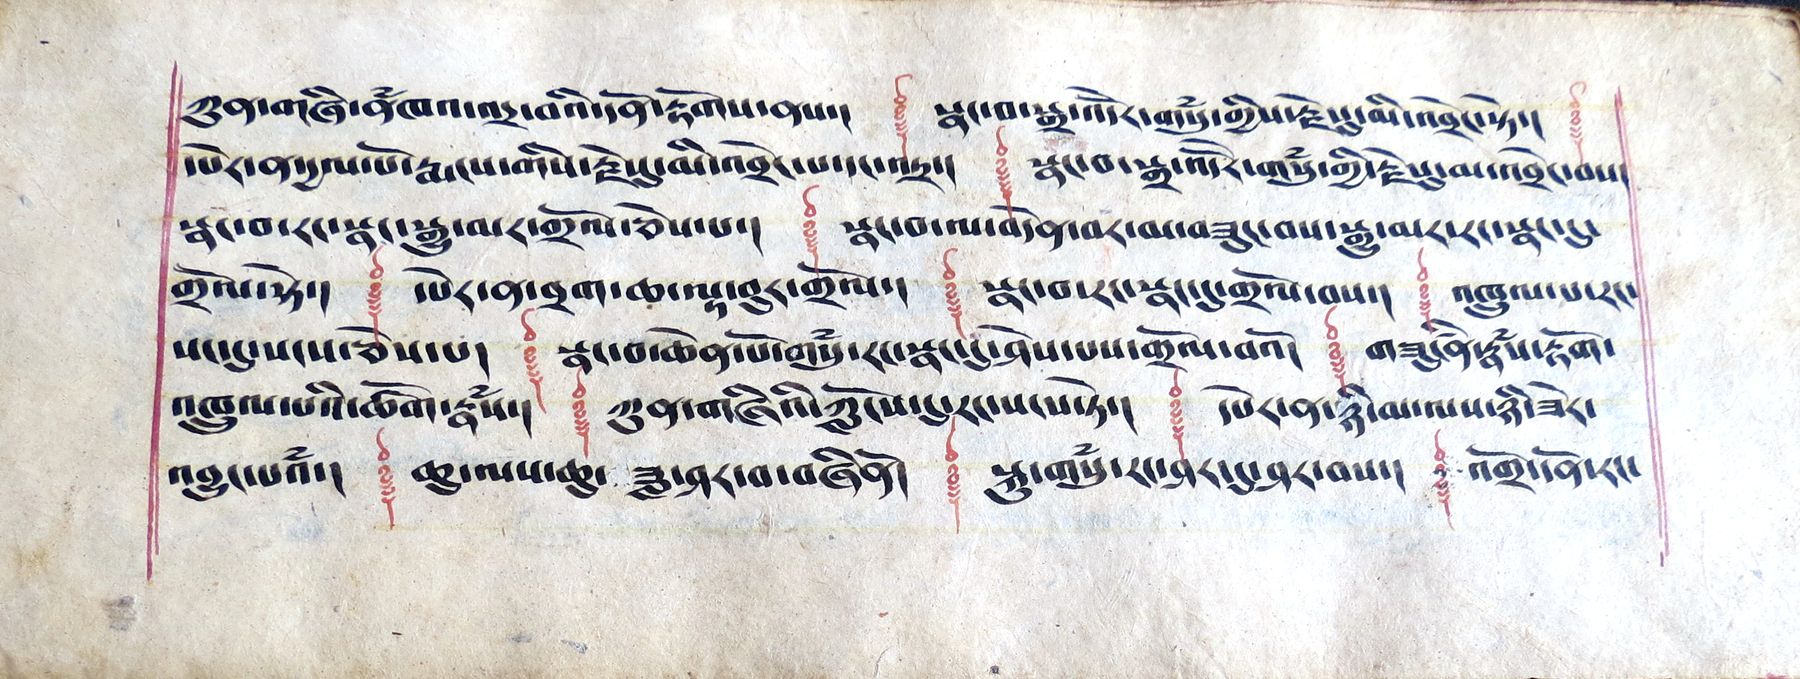ཀུན་གཞི་ནམ་མཁའ་འདྲ་བའི་དོན་རྟོགས་པས། སྣང་བ་སྒྲ་འོད་ཟེར་གསུམ་གྱི་རྗེས་སུ་མི་འབྲེང་སྟེ། 
དཔེར་ན་རྒྱལ་པོ་དམངས་ཀྱི་རྗེས་སུ་མི་འབྲེང་པ་དང་འདྲ། སྣང་བ་སྒྲ་འོད་ཟེར་གསུམ་གྱི་རྗེས་སུ་མི་འབྲེང་པས། 
སྣང་བ་རང་སྣང་སྒྱུ་མར་གྲོལ། །ཞེས་པས། སྣང་བ་ལ་བདེན་པར་མ་བཟུང་པས། རང་སྣང་དུ་
གྲོལ་སྟེ། དཔེར་ན་བྲག་ཆ་ལྟ་བུར་གྲོལ། སྣང་བ་རང་སྣང་དུ་གྲོལ་བས། འཁྲུལ་པ་རང་
སངས་སུ་སངས། །ཞེས་པས། སྣང་བ་ཆེན་པོ་གསུམ་རང་སྣང་དུ་གྲོལ་བས། གཟུང་འཛིན་རྣམ་རྟོག་
འཁྲུལ་པའི་ཚོགས་རྣམས། ཀུན་གཞིའི་ཀློང་དུ་རང་སངས་ཏེ། དཔེར་ན་ཉི་མ་ལས་ཉི་ཟེར་
འབྱུང་པའམ། ཟླ་བ་ལས་ཆུ་ཟླ་ཤར་བ་བཞིན་ནོ། །སྐུ་གསུམ་རང་ཤར་དུ་ཤར་བས། འགྲོ་དོན་རང་